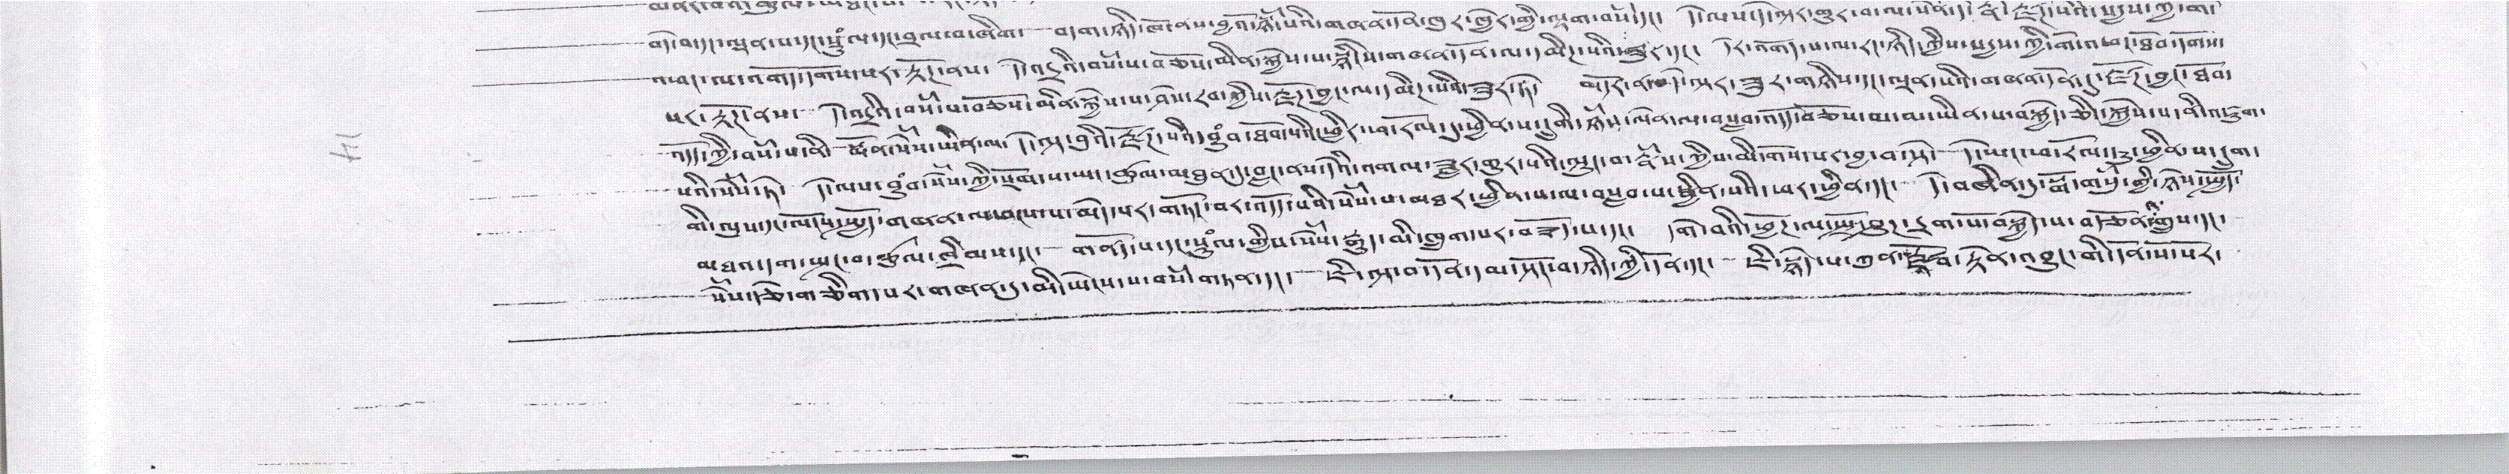མནར་བའི་༼འདིར་མ་དཔེ་ལས་མ་གསལ༽
བདེ་བ་དང་ལྡན་པ་དང་སྡུག་བསྔལ་དང་བྲལ་བ་ཞིག་བདག་ཉིད་ཁོ་ནས་བྱའོ་སྙམ་པའི་གཞན་དོན་ཁུར་འཁྱེར་གྱི་ལྷག་བསམ་དང་། དེ་ལས་དེ་ལྟར་གྱུར་པ་ལ་སེམས་ཅན་དེ་རྣམས་རྫོགས་པའི་སངས་རྒྱས་ཀྱི་གོ་
འཕང་ལ་དགོད་དགོས་པར་རྟོགས་ནས་དེ་འདྲའི་བསམ་པ་བཅོས་མིན་སྐྱེས་པ་སྙིང་རྗེས་གཞན་དོན་ལ་དམིགས་པའི་ཟུར་དང་། དེར་འགོད་པ་ལ་རང་ཉིད་ཀྱིས་སངས་རྒྱས་ཀྱི་གོ་འཕང་ཐོབ་དགོས་
པར་རྟོགས་ནས་དེ་འདྲའི་བསམ་པ་བཅོས་མིན་སྐྱེས་པ་ཤེས་རབ་ཀྱིས་རྫོགས་བྱང་ལ་དམིགས་པའི་ཟུར་ཏེ། མདོར་ན་དེ་ལྟར་ཟུར་གཉིས་དང་ལྡན་པའི་གཞན་དོན་དུ་རྫོགས་བྱང་ཐོབ་
འདོད་ཀྱི་བསམ་པ་ནི་སྨོན་སེམས་ཡིན་ལ། དེ་ལྟ་བུའི་རྫོགས་པའི་བྱང་ཆུབ་ཐོབ་པའི་ཕྱིར་ཕ་རོལ་ཏུ་ཕྱིན་པ་དྲུག་གི་ཉམས་ལེན་ལ་བསླབ་འདོད་བཅོས་མ་མ་ཡིན་པ་བསྐྱེད་ཅིང་སྐྱེས་པ་ནི་འཇུག་
པའི་སེམས་ཏེ། དེ་ལས་བྱང་ཆུབ་སེམས་ཀྱི་སྡོམ་པ་ཡང་ཚུལ་མཐུན་དུ་བྱུང་ནས་དེའི་འགལ་ཟླར་གྱུར་པའི་ལྟུང་བ་རྣམས་ཀྱིས་མི་གོས་པར་བྱ་བ་སྟེ། དེ་ཡང་ཕ་རོལ་ཏུ་ཕྱིན་པ་དྲུག་
གི་ལུས་དང་ལོངས་སྤྱོད་གཞན་ལ་ཕངས་པ་མེད་པར་གཏོང་བར་འདོད་པའི་བསམ་པ་མཐར་ཕྱིན་པ་ལ་བསླབ་པ་སྦྱིན་པའི་ཕར་ཕྱིན་དང་། དེ་བཞིན་དུ་སྒོ་གསུམ་གྱི་ཉེས་སྤྱོད་
མཐའ་དག་སྤང་བ་ཚུལ་ཁྲིམས་དང་། གནོད་པ་དང་སྡུག་བསྔལ་གྱིས་སེམས་རྒྱུད་མི་འཁྲུགས་པ་བཟོད་པ་དང་། དགེ་བའི་ཕྱོགས་ལ་སྤྲོ་ཤུགས་དྲག་པོ་བསྐྱེད་པ་བརྩོན་འགྲུས་དང་། 
སེམས་རྩེ་གཅིག་པར་གཞན་དུ་མི་ཡེངས་པ་བསམ་གཏན་དང་། ཇི་ལྟ་བ་དོན་དམ་སྟོང་པ་ཉིད་ཀྱི་དོན་དང་། ཇི་སྙེད་པ་ཀུན་རྫོབ་རྟེན་འབྱུང་གི་དོན་སོ་སོར་